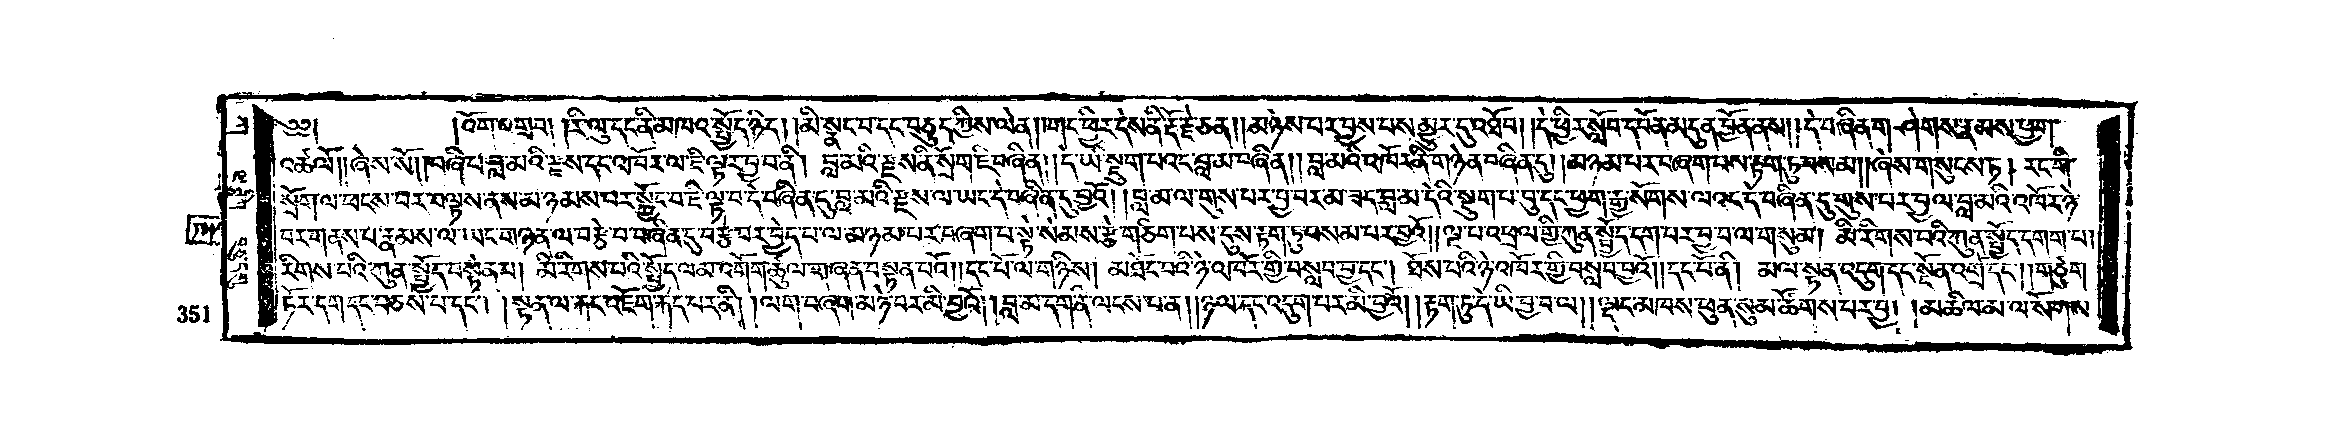༄༅། །འོག་འགྲབ། །རི་ལུ་དང་ནི་མཁའ་སྤྱོད་ཉིད། །མི་སྣང་བ་དང་བཅུད་ཀྱིས་ལེན། །གང་ཕྱིར་དེས་ནི་རྡོ་རྗེ་ཅན། །མཉེས་པར་བྱས་པས་མྱུར་དུ་འཐོབ། །དེ་ཕྱིར་སློབ་དཔོན་མདུན་བྱོན་ནས། །དེ་བཞིན་གཤེགས་རྣམས་ཕྱག་
འཚལ་ལོ། །ཞེས་སོ། །བཞི་པ་བླ་མའི་རྫས་དང་འཁོར་ལ་ཇི་ལྟར་བྱ་བ་ནི། བླ་མའི་རྫས་ནི་སྲོག་ཇི་བཞིན། །དེ་ཡི་སྡུག་པའང་བླ་མ་བཞིན། །བླ་མའི་འཁོར་ནི་གཉེན་བཞིན་དུ། །མཉམ་པར་བཞག་བས་རྟག་ཏུ་བསམ། །ཞེས་གསུངས་ཏེ། རང་གི་
སྲོག་ལ་ཕངས་བར་བལྟས་ནས་མ་ཉམས་པར་སྐྱོང་བ་ཇི་ལྟ་བ་དེ་བཞིན་དུ་བླ་མའི་རྫས་ལ་ཡང་དེ་བཞིན་དུ་བྱའོ། །བླ་མ་ལ་གུས་པར་བྱ་བར་མ་ཟད་བླ་མ་དེའི་སྡུག་པ་བུ་དང་ཕྱག་རྒྱ་སོགས་ལའང་དེ་བཞིན་དུ་གུས་པར་བྱ་ལ་བླ་མའི་འཁོར་ཉེ་
བར་གནས་པ་རྣམས་ལ་ཡང་གཉན་ལ་བརྩེ་བ་བཞིན་དུ་བརྩེ་བར་བྱེད་པ་ལ་མཉམ་པར་བཞག་པ་སྟེ་སེམས་རྩེ་གཅིག་པས་དུས་རྟག་ཏུ་བསམ་པར་བྱའོ། །ལྔ་པ་འཕྲལ་གྱི་ཀུན་སྤྱོད་དག་པར་བྱ་བ་ལ་གསུམ། མི་རིགས་པའི་ཀུན་སྤྱོད་དགག་པ།
རིགས་པའི་ཀུན་སྤྱོད་བསྟེན་པ། མི་རིགས་པའི་སྤྱོད་ལམ་འགོག་ཚུལ་གཞན་བསྟན་པའོ། །དང་པོ་ལ་གཉིས། མཐོང་བའི་ཉེ་འཁོར་གྱི་བསླབ་བྱ་དང་། ཐོས་པའི་ཉེ་འཁོར་གྱི་བསླབ་བྱའོ། །དང་པོ་ནི། མལ་སྟན་འདུག་དང་སྔོན་འགྲོ་དང་། །གཙུག་
ཏོར་དག་དང་བཅས་པ་དང་། །སྟན་ལ་རྐང་འཇོག་རྐད་པར་ནི། །ལག་བཞག་མཉེ་བར་མི་བྱའོ། །བླ་མ་དག་ནི་ལངས་པ་ན། །ཉལ་དང་འདུག་པར་མི་བྱའོ། །རྟག་ཏུ་དེ་ཡི་བྱ་བ་ལ། །ལྡང་མཁས་ཕུན་སུམ་ཚོགས་པར་བྱ། །མཆིལ་མ་ལ་སོགས་